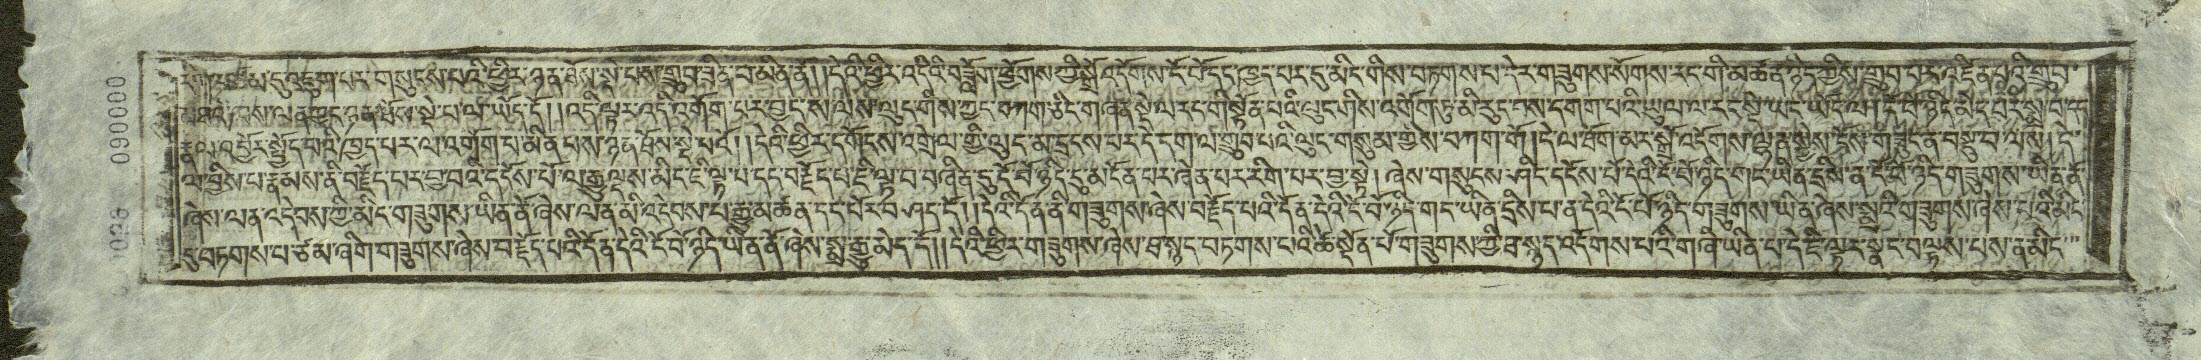རིག་པ་ཙམ་དུ་འཇུག་པར་གསུངས་པའི་ཕྱིར་ཉན་ཐོས་སྡེ་པས་གྲུབ་ཟིན་པ་མིན་ནོ། །དེའི་ཕྱིར་འདིའི་བཟློག་ཕྱོགས་ཀྱི་སྒྲོ་འདོགས་ངོ་བོ་དང་ཁྱད་པར་དུ་མིང་གིས་བཏགས་པ་དེར་གཟུགས་སོགས་རང་གི་མཚན་ཉིད་ཀྱིས་གྲུབ་པར་འཛིན་པའི་གྲུབ་
མཐའི་ཁས་ལེན་ཀྱང་ཉན་ཐོས་སྡེ་པ་ལ་ཡོད་དོ། །འདི་ལྟར་འདི་འགོག་པར་བྱང་ས་ལས་ལུང་གིས་ཀྱང་བཀག་ཅིང་གཞན་སྡེ་ལ་རང་གི་སྟོན་པའི་ལུང་གིས་འགོག་ཏུ་མི་རུང་བས་དགག་པའི་ཡུལ་ལ་རང་སྡེ་ཡང་ཡོད་ལ། ངོ་བོ་ཉིད་མེད་པར་སྨྲ་བ་དང་
རྣལ་འབྱོར་སྤྱོད་པའི་ཁྱད་པར་ལ་འགོག་པ་མིན་པས་ཉན་ཐོས་སྡེ་པའོ། །དེའི་ཕྱིར་དགོངས་འགྲེལ་གྱི་ལུང་མ་དྲངས་པར་དེ་དག་ལ་གྲུབ་པའི་ལུང་གསུམ་གྱིས་བཀག་གོ ། དེ་ལ་ཐོག་མར་སྒོ་འདོགས་ལྷན་སྐྱེས་ངོས་གཟུང་ན་བསྡུ་བ་ལས། དེ་
ལ་བྱིས་པ་རྣམས་ནི་བརྗོད་པར་བྱ་བའི་དངོས་པོ་ལ་རྒྱུ་ལྡས་མིང་ཇི་ལྟ་བ་དང་བརྗོད་པ་ཇི་ལྟ་བ་བཞིན་དུ་ངོ་བོ་ཉིད་དུ་མངོན་པར་ཞེན་པར་རིག་པར་བྱ་སྟེ། ཞེས་གསུངས་ཤིང་དངོས་པོ་དེའི་ངོ་བོ་ཉིད་གང་ཡིན་དྲིས་ན་ངོ་བོ་ཉིད་གཟུགས་ཡིན་ནོ་?
ཞེས་ལན་འདེབས་ཀྱི་མིང་གཟུགས་ཡིན་ནོ་ཞེས་ལན་མི་འདེབས་པ་རྒྱུ་མཚན་དང་པོར་བཤད་དོ། །དེའི་དོན་ནི་གཟུགས་ཞེས་བརྗོད་པའི་དོན་དེའི་ངོ་བོ་ཉིད་གང་ཡིན་དྲིས་པ་ན་དེའི་ངོ་བོ་ཉིད་གཟུགས་ཡིན་ཞེས་སྨྲའི་གཟུགས་ཞེས་པའི་མིང་
དུ་བཏགས་པ་ཙམ་ཞིག་གཟུགས་ཞེས་བརྗོད་པའི་དོན་དེའི་ངོ་བོ་ཉིད་ཡིན་ནོ་ཞེས་སྨྲ་རྒྱུ་མེད་དོ། །དེའི་ཕྱིར་གཟུགས་ཞེས་ཐ་སྙད་བཏགས་པའི་ཚེ་སྔོན་པོ་གཟུགས་ཀྱི་ཐ་སྙད་འདོགས་པའི་གཞི་ཡིན་པ་དེ་ཇི་ལྟར་སྣང་བལྟས་པས་ན་མིང་